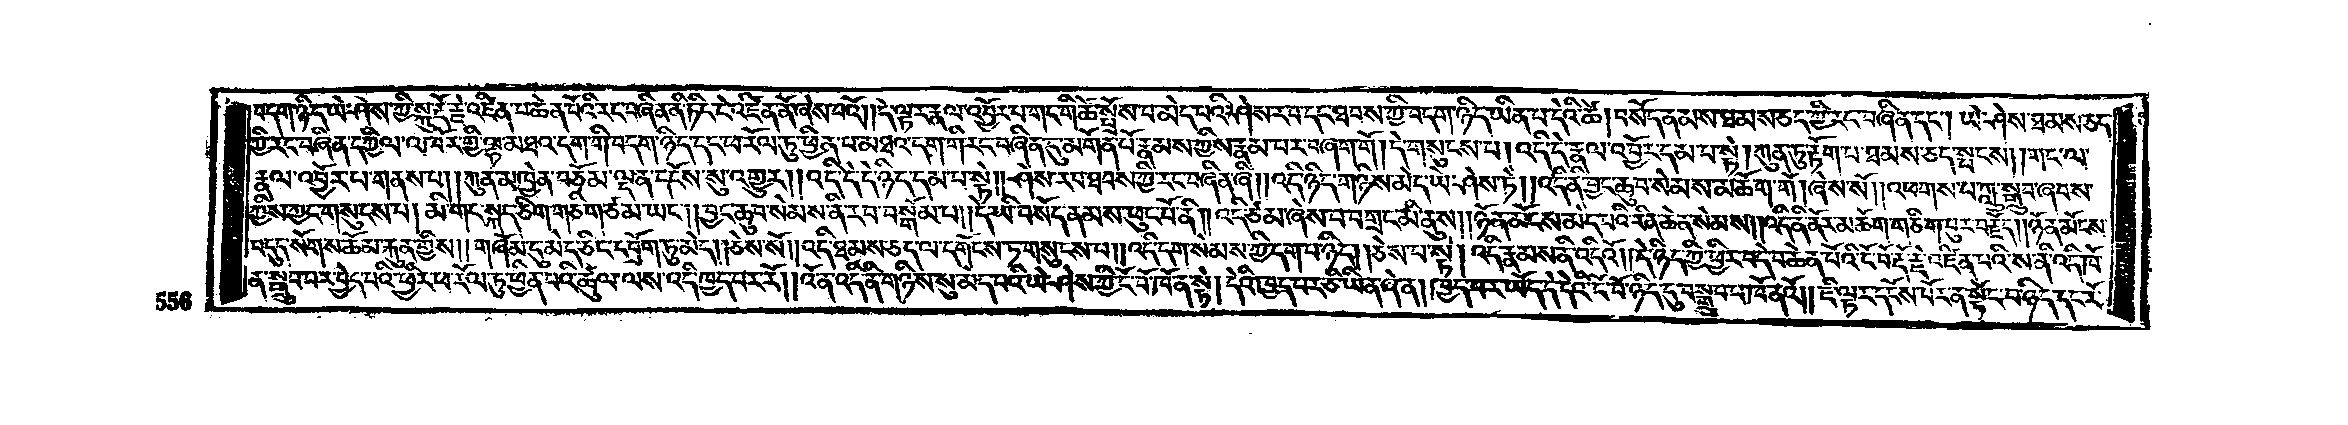བདག་ཉིད་ཡེ་ཤེས་ཀྱི་སྐུ་རྡོ་རྗེ་འཛིན་པ་ཆེན་པོའི་རང་བཞིན་ནི་ཏིང་ངེ་འཛིན་ནོ་ཞེས་པའོ། །དེ་ལྟར་རྣལ་འབྱོར་པ་གང་གི་ཚེ་སྤྲོས་པ་མེད་པའི་ཤེས་རབ་དང་ཐབས་ཀྱི་བདག་ཉིད་ཡིན་པ་དེའི་ཚེ། བསོད་ནམས་ཐམས་ཅད་ཀྱི་རང་བཞིན་དང་། ཡེ་ཤེས་ཐམས་ཅད་
ཀྱི་རང་བཞིན་དཀྱིལ་འཁོར་གྱི་ལྷ་མཐའ་དག་གི་བདག་ཉིད་དང་ཕ་རོལ་ཏུ་ཕྱིན་པ་མཐའ་དག་གི་རང་བཞིན་དུ་མགོན་པོ་རྣམས་ཀྱིས་རྣམ་པར་བཞག་གོ །དེ་གསུངས་པ། འདི་དེ་རྣལ་འབྱོར་དམ་པ་སྟེ། ཀུན་ཏུ་རྟོག་པ་ཐམས་ཅད་སྤངས། །གང་ལ་
རྣལ་འབྱོར་པ་གནས་པ། །ཀུན་མཁྱེན་བཅོམ་ལྡན་དངོས་སུ་འགྱུར། །འདི་དེ་དེ་ཉིད་དམ་པ་སྟེ། །ཤེས་རབ་ཐབས་ཀྱི་རང་བཞིན་ཞི། །འདི་ཉིད་གཉིས་མེད་ཡེ་ཤེས་ཏེ། །འདི་ནི་བྱང་ཆུབ་སེམས་མཆོག་གོ །ཞེས་སོ། །འཕགས་པ་ཀླུ་སྒྲུབ་ཞབས་
ཀྱིས་ཀྱང་གསུངས་པ། མི་གང་སྐད་ཅིག་གཅིག་ཙམ་ཡང་། །བྱང་ཆུབ་སེམས་ནི་རབ་བསྒོམ་པ། །དེ་ཡི་བསོད་ནམས་ཕུང་པོ་ནི། །འདི་ཙམ་ཞེས་པ་བགྲང་མི་ནུས། །ཉོན་མོངས་མེད་པའི་རིན་ཆེན་སེམས། །འདི་ནི་ནོར་མཆོག་གཅིག་པུར་བརྗོད། །ཉོན་མོངས་
བདུད་སོགས་ཆོམ་རྐུན་གྱིས། །གཞོམ་དུ་མེད་ཅིང་དབྲོག་ཏུ་མེད། །ཅེས་སོ། །འདི་ཐམས་ཅད་ལ་དགོངས་ཏེ་གསུངས་པ། །འདི་དག་སེམས་ཀྱི་དག་པ་ཉིད། །ཅེས་པ་སྟེ། འདི་རྣམས་ནི་འདིའོ། །དེ་ཉིད་ཀྱི་ཕྱིར་བདེ་བ་ཆེན་པོའི་ངོ་བོ་རྡོ་རྗེ་འཛིན་པའི་ས་ནི་འདི་ཁོ་
ན་སྒྲུབ་པར་བྱེད་པའི་ཕྱིར་ཕ་རོལ་ཏུ་ཕྱིན་པའི་ཚུལ་ལས་འདི་ཁྱད་པར་རོ། །འོ་ན་འདི་ནི་གཉིས་སུ་མེད་པའི་ཡེ་ཤེས་ཀྱི་ངོ་བོ་ཁོ་ན་སྟེ། དེའི་ཁྱད་པར་ཅི་ཡིན་ཞེ་ན། ཁྱད་པར་ཡོད་དེ་དེའི་ངོ་བོ་ཉིད་དུ་བསྒྲུབ་པ་ཁོ་ནའོ། །ཇི་ལྟར་དངོས་པོར་ན་སྟོང་པ་ཉིད་དང་རོ་